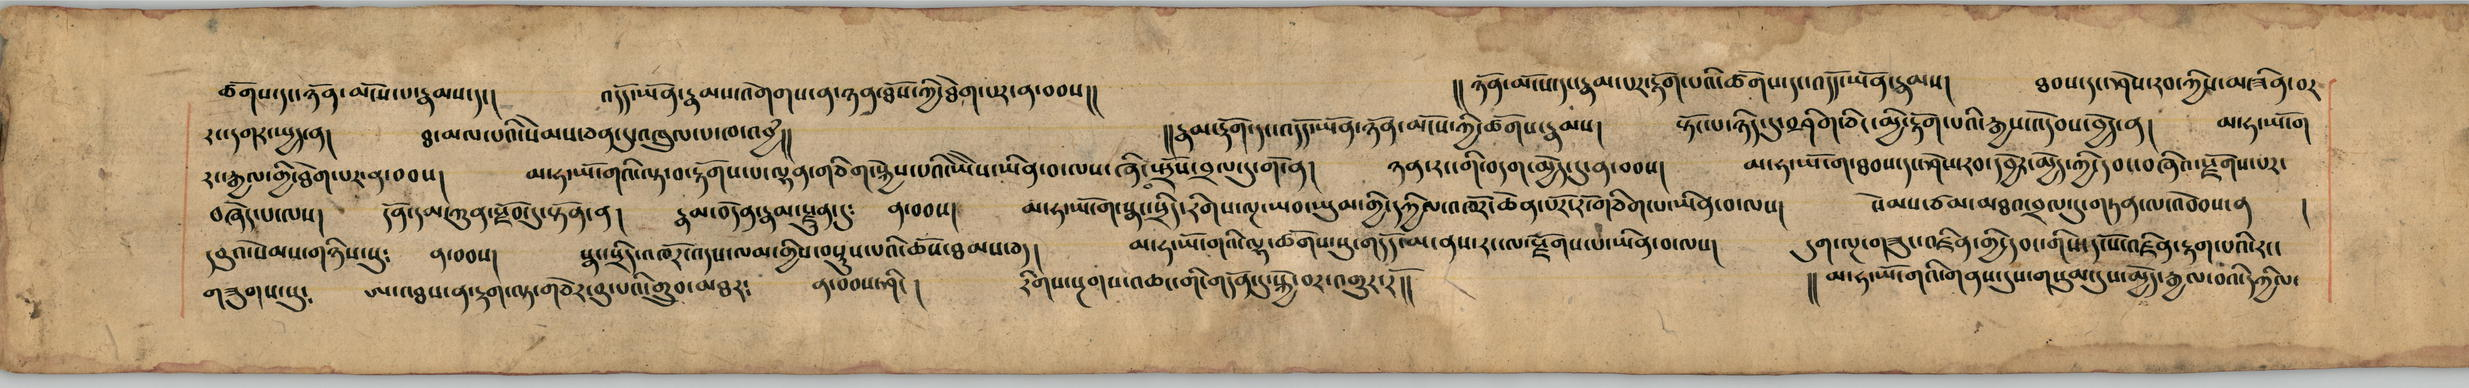ཚོགས་དང་ཉན་མོངས་པ་རྣམས་དང། འདོད་ཡོན་རྣམས་འགེགས་ན་ཉན་ཐོས་ཀྱི་ཐེག་པར་ན་བབས།། །།ཉོན་མོངས་དང་རྣམ་པར་རྟོག་པའི་ཚོགས་དང་འདོད་ཡོན་རྣམས། ཐབས་དང་ཤེས་རབ་ཀྱིས་མ་ཟིན་བར
རང་དགར་སྤྱད་ན། ཐ་མལ་པའི་སེམས་ཅན་དུ་འཁྲུལ་པ་ཁ་འབྱ།། །།རྣམ་རྟོག་དང་འདོད་ཡོན་ཉོན་མོངས་ཀྱི་ཚོགས་རྣམས། སྟོང་པ་ཉིད་དུ་བཤིག་ཅིང་མྱི་རྟོག་པཔའི་རྒྱས་འདེབས་བྱེད་ན། མ་ཧ་ཡོ་ག
རང་རྒྱལ་གྱི་ཐེག་པར་ན་བབས། མ་ཧ་ཡོ་གའི་ལྟ་བ་རྟོགས་པ་ལྷན་གཅིག་སྐྱེས་པའི་ཡཻས་ཡིན་པ་ལས་ཞིང་སྤྲོས་བྲལ་དུ་གོ་ན། ཉན་རང་གི་བདག་མྱེད་དུ་ན་བཅས། མ་ཧ་ཡོ་ག་ཐབས་དང་ཤེས་རབ་དབྱེར་མྱེད་ཀྱི་དབང་བཞིའ་རྫོགས་པར་
བཞེད་པ་ལས། དོན་དམ་ཀུན་སྫོབ་དུ་སྟོན་ན། རྣམ་བདེན་རྣམ་སྫུན་དུ༴ ན་བབས། མ་ཧ་ཡོ་ག་སྣང་སྲིད་རིགས་ལྔ་ཡབ་ཡུམ་གྱི་དཀྱིལ་འཁོར་ཆེན་པོར་རོ་གཅིག་པ་ཡིན་བ་ལས། སེམས་ཙམ་མཐའ་བྲལ་དུ་གཏན་ལ་འབེབས་ན
དབུའ་སེམས་གཉིས་སུ༴ ན་བབས། སྣང་སྲིད་འཁོར་འདས་ལམ་གྱིས་བསྡུས་པའི་ཆོས་ཐམས་ཅད། མ་ཧ་ཡོ་གའི་ལྷ་ཚོགས་སུ་གདོད་མ་ནས་རང་ལ་སྫོགས་པ་ཡིན་བ་ལས། དུག་ལྔ་གཟུང་འཛིན་གྱི་དབང་གིས་དངོས་འཛིན་རྟག་པའི་རང་
གཟུགས་སུ༴ ཨ་འཐས་ན་རྟག་ལྟ་གཅེར་བུ་པའི་གྲུབ་མཐར༴ ན་བབས་ཤིང། རིགས་སྔགས་འཆང་གི་གདོན་དུ་སྐྱེ་བར་འགྱུར་རོ།། །།མ་ཧ་ཡོ་གའི་གནས་དུས་གསུམ་དུས་མྱེད་རྒྱལ་བའི་དཀྱིལ་